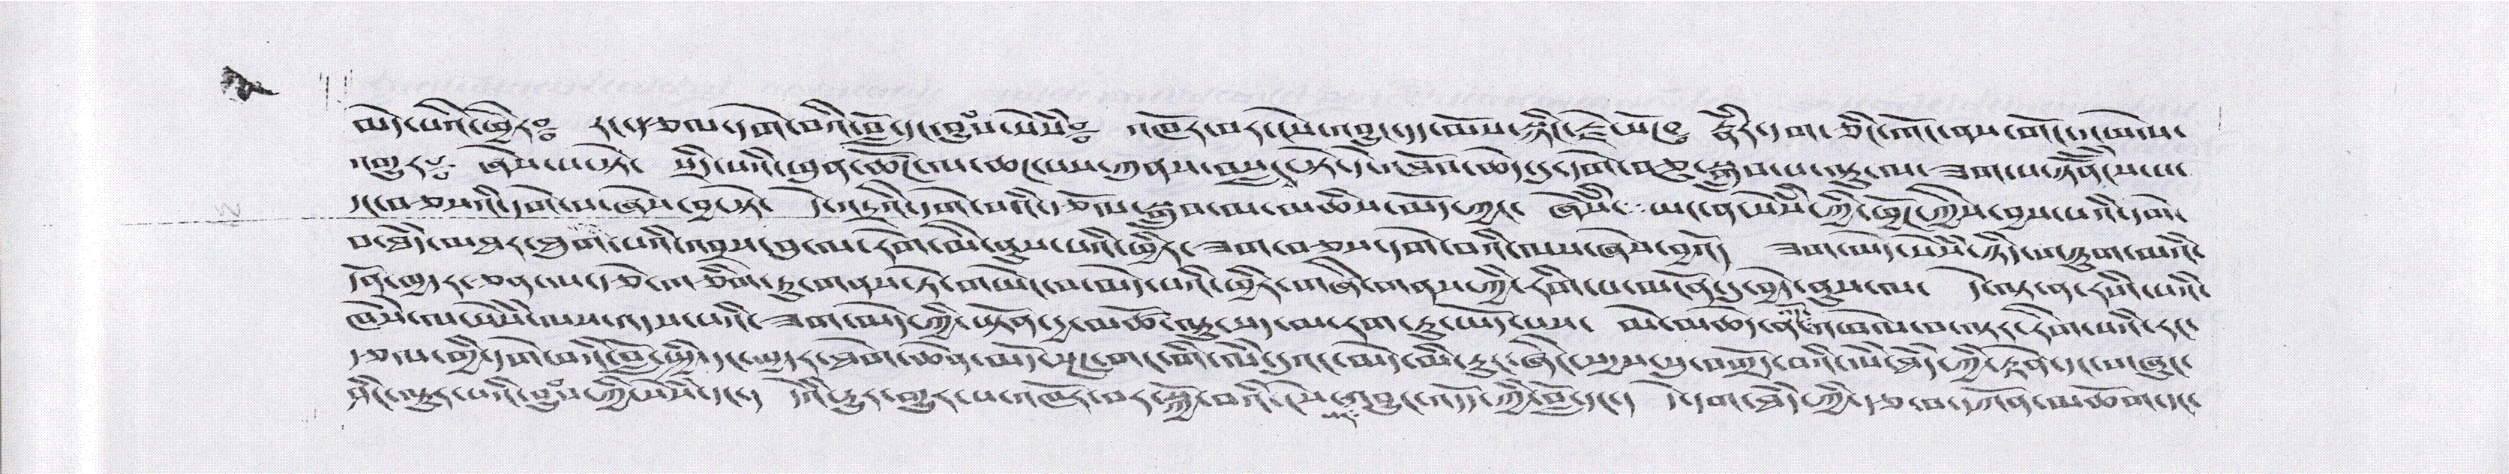མེད་པའི་ཕྱིརཿ རང་རྩལ་དགེ་བའི་བློ་དང་བྱང་ཆུབ་སེམསཿ འཁོར་བར་ངེས་འབྱུང་དད་མོས་སྙིང་རྗེ་སོགསཿ རྣམ་པར་དག་ཅིང་གོང་ནས་གོང་འཕེལ་
འགྱུརཿ ཞེས་པ་སྟེ། སྲིད་པའི་ཕུན་ཚོགས་ལ་ཆགས་པས་ཀུན་ནས་བསླངས་ཏེ་དེ་འཐོབ་ཆེད་དུ་དགེ་བཅུ་བསྒྲུབ་པ་ལྟ་བུ་ལ་ཟག་པ་ཉོན་མོངས་པ་
དང་བཅས་པའི་དགེ་བ་ཞེས་བྱ་སྟེ། དེ་འདྲའི་དགེ་བའི་རྩོལ་སྒྲུབ་མ་མཆིས་མོད་ཀྱང་། ཞེས་སམ་ཡང་ན་སེམས་ཀྱི་ཕྱོགས་ཀྱིས་བྱས་པའི་དགེ་
བ་ཐམས་ཅད་མཐར་ཐུག་པའི་འབྲས་བུ་ལ་རེག་མི་ནུས་པའི་ཕྱིར་ཟག་བཅས་དགེ་བའི་ལས་ཞེས་བྱའོ། ཟག་མེད་སེམས་ཉིད་གཉུག་མའི་
དོན་ཁྱད་པར་ཅན་ལ་རྩེ་གཅིག་ཏུ་གནས་ཏེ་གཡེང་བ་མེད་པའི་ཕྱིར་གཞི་གནས་ཀྱི་རིག་པ་མངོན་དུ་བྱེད་ནུས་ལ། དེ་ལྟ་ན་རིག་པའི་
ཁམས་ལ་སེམས་ལས་འདས་པའི་ཟག་མེད་ཀྱི་ཡོན་ཏན་རྒྱ་མཚོ་ལྟ་བུ་སད་མ་རག་ཏུ་ཡོད་པས། མེ་མཆེད་ན་འོད་འཕེལ་བ་ལྟར་རིག་པའི་རང་
རྩལ་གྱི་དགེ་བའི་བློ་སྤྱི་དང་ཁྱད་པར་ཐེག་ཆེན་མདོ་སྔགས་གང་གི་ལམ་དུའང་མེད་མི་རུང་ཞིང་སངས་རྒྱས་སུ་བགྲོད་པའི་ལམ་ཐམས་ཅད་ཀྱི་རྟེན་དང་གཞུང་
ཤིང་ལྟ་བུར་༼གྱུར༽པའི་བྱང་ཆུབ་ཀྱི་སེམས་དང་། དེའི་རྒྱུར་གྱུར་པ་འཁོར་བར་སྐྱོ་བའི་ངེས་པར་འབྱུང་འདོད་ཀྱི་བློ་དང་། དེ་དག་ཐམས་ཅད་ཀྱི་རྩ་བ་དཀོན་མཆོག་དང་